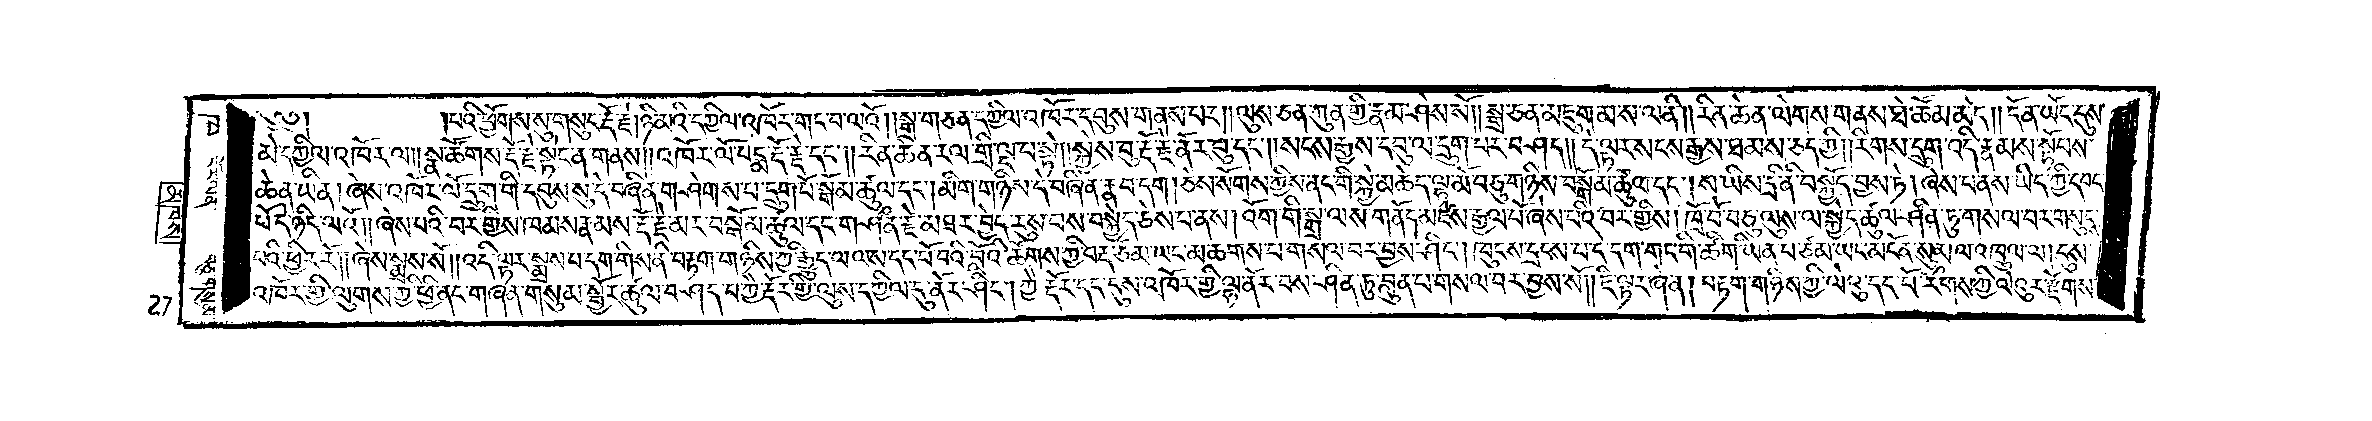༄༅། །པའི་ཕྱོགས་སུ་གསུང་རྡོ་རྗེ། ཉི་མའི་དཀྱིལ་འཁོར་གང་བ་ལའོ། །སྒྲ་གཅན་དཀྱིལ་འཁོར་དབུས་གནས་པར། །ལུས་ཅན་ཀུན་གྱི་རྣམ་ཤེས་སོ། །སྒྲ་ཅན་མཇུག་མ་ས་ལ་ནི། །རིན་ཆེན་ལེགས་གནས་ཐེ་ཚོམ་མེད། །དོན་ཡོང་དུས་
མེ་དཀྱིལ་འཁོར་ལ། །སྣ་ཚོགས་རྡོ་རྗེ་སྟེང་ན་གནས། །འཁོར་ལོ་པདམ་རྡོ་རྗེ་དང་། །རིན་ཆེན་རལ་གྲི་ལྔ་པ་སྟེ། །སྐྱེས་བུ་རྡོ་རྗེ་ནོར་བུ་དང་། །སངས་རྒྱས་དབུ་ལ་དྲུག་པར་བཤད། །དེ་ལྟར་སངས་རྒྱས་ཐམས་ཅད་ཀྱི། །རིགས་དྲུག་འདི་རྣམས་སྟོབས་
ཆེན་ཡིན། ཞེས་འཁོར་ལོ་དྲུག་གི་དབུས་སུ་དེ་བཞིན་གཤེགས་པ་དྲུག་པོ་སྒོམ་ཚུལ་དང་། མིག་གཉིས་དེ་བཞིན་རྣ་བ་དག། ཅེས་སོགས་ཀྱིས་ནང་གི་སྐྱེ་མཆེད་ལྷ་མོ་བཅུ་གཉིས་བསྒོམ་ཚུལ་དང་། ས་ཡིས་དྲི་ནི་བསྐྱོད་བྱས་ཏེ། ཞེས་པ་ནས་ཡིད་ཀྱི་དབང་
པོ་དེ་ཉིད་ལའོ། །ཞེས་པའི་བར་གྱིས་ཁམས་རྣམས་རྡོ་རྗེ་མར་བསྒོམ་ཚུལ་དང་གཤིན་རྗེ་མཐར་བྱེད་རུས་པས་བསྐྱེད་ཅེས་པ་ནས། འོག་གི་སྒྲ་ལས་གནོད་མཛེས་རྒྱལ་པོ་ཞེས་པའི་བར་གྱིས། ཁྲོ་བོ་བཅུ་ལུས་ལ་སྐྱེད་ཚུལ་ཤིན་ཏུ་གསལ་བར་གསུངས་
པའི་ཕྱིར་རོ། །ཞེས་སྨྲས་སོ། །འདི་ལྟར་སྨྲས་པ་དག་གིས་ནི་བརྟག་གཉིས་ཀྱི་རྒྱུད་ལ་ལས་དང་པོ་བའི་བློའི་ཚོགས་ཀྱི་བརྡ་ཙམ་ཡང་མ་ཆགས་པ་གསལ་བར་བྱས་ཤིང་། ཁུངས་དྲངས་པ་དེ་དག་གང་གི་ཚིག་ཡིན་པ་ཙམ་ཡང་མངོན་སུམ་ལ་འཁྲུལ་ལ། དུས་
འཁོར་གྱི་ལུགས་ཀྱི་ཕྱི་ནང་གཞན་གསུམ་སྦྱོར་ཚུལ་བཤད་པ་ཀྱཻ་རྡོར་གྱི་ལུས་དཀྱིལ་དུ་ནོར་ཤིང་། ཀྱཻ་རྡོར་དང་དུས་འཁོར་གྱི་ལྷ་ནོར་བས་ཤིན་ཏུ་བླུན་པ་གསལ་བར་བྱས་སོ། །ཇི་ལྟར་ཞེ་ན། བརྟག་གཉིས་ཀྱི་ལེའུ་དང་པོ་རིགས་ཀྱི་ལེའུར་རྫོགས་